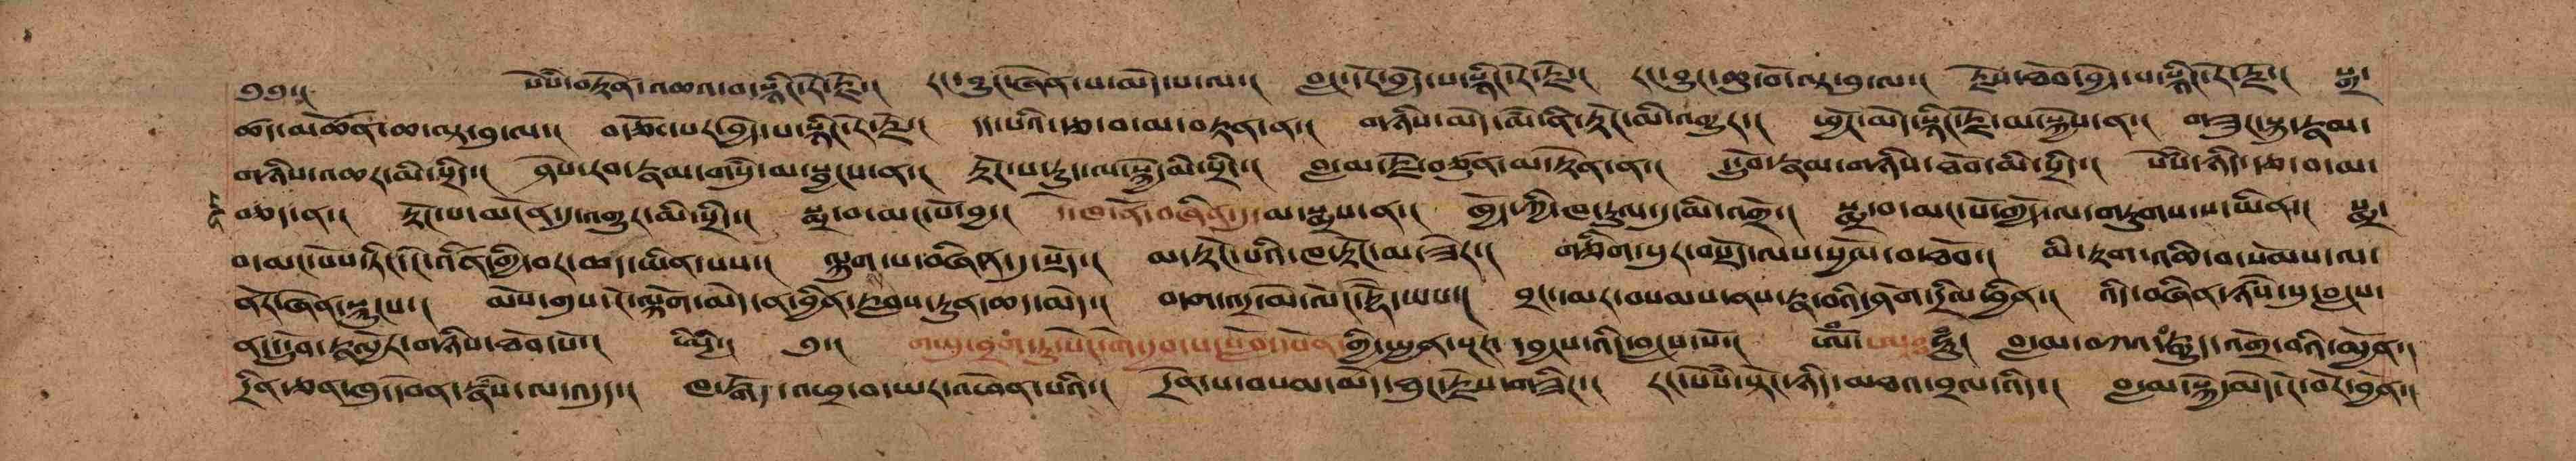༄༅།། སེམས་བརྟེན་འཆའ་བ་སྙིང་རེ་རྗེ།། རང་བྱུང་ཞེན་པོ་མེད་པ་ལ།། བླང་དོར་བྱེད་པ་སྙིང་རེ་རྗེ།། རང་བྱུང་ཆུ་བོ་ལྟ་བུ་ལ།། རྗེས་ཐོབ་བྱེད་པ་སྙིང་རེ་རྗེ།། སྒྲ་
ཚད་མཚོན་ཆ་ལྟ་བུ་ལ།། བརྩོན་པར་བྱེད་པ་སྙིང་རེ་རྗེ།། དད་པའི་རྩ་བ་མ་བརྟན་ན།། གཉིས་མེད་ལམ་ནི་རྟོགས་མི་འགྱུར།། ཕྱོགས་མེད་སྙིང་རྗེ་མ་སྐྱེས་ན།། གཟུགས་སྐུ་རྣམ་
གཉིས་འཆར་མི་སྲིད།། ཤེས་རབ་རྣམ་གསུམ་མ་སྦྱངས་ན།། རྟོགས་པ་རྒྱུད་ལ་སྐྱེ་མི་སྲིད།། བླ་མ་རྗེ་བཙུན་མ་རྟེན་ན།། དངོས་གྲུབ་རྣམ་གཉིས་ཐོབ་མི་སྲིད།། སེམས་ཉིད་རྩ་བ་མ་
བཅད་ན།། རྟོགས་པ་མངོན་དུ་འགྱུར་མི་སྲིེད།། སྨྲ་བ་མང་པོ་བྱ།། དེ་ཁོ་ན་བཞིན་དུ་མ་སྨྲས་ན།། ཁྱོད་ཀྱི་ཁ་རུལ་དུ་མི་འགྲོ།། སྨྲ་བ་མང་པོ་གྱོད་ལ་གཏུག་པ་ཡིན།། སྨྲ་
བ་མང་པོས་ཏིང་ངེ་འཛིན་གྱི་བར་ཆད་ཡིན་པས།། ལྐུགས་པ་བཞིན་དུ་སྡོད།། མ་རྟོགས་པའི་ཁ་རྟོགས་མ་ཟེར།། གཅིག་པུར་བསྡོད་ལས་གསོལ་བ་ཐོབས།། མི་རྟག་འཆི་བ་སོམས་ལ་
ནོར་ཞེན་སྐྱུངས།། མོས་གུས་ངོ་ལྐོག་མེད་ན་བྱིན་རླབས་རྒྱུན་ཆད་མེད།། བདག་འདྲ་མེ་ལོང་རྡོ་རྗེ་ཡིས།། བྲང་བསམས་ནས་རྣ་བའི་ཤོག་དྲིལ་བྱིན།། འདི་བཞིན་ཉམས་སུ་བླངས་
ན་དངོས་གྲུབ་རྣལ་འབྱོར་གཉིས་ཐོབ་པོ།། ཨིཊི།། ༄་། གཡུ་བྲག་ཏུ་སེང་གེ་རྒྱབ་པ་སློབ་དཔོན་གྱི་སྤྱན་སྔར་དབྱངས་འདི་བླངས་སོ།། ཨོཾ་ཨཱཿཧཱུཾ། བླ་མ་བཀའ་བརྒྱུད་འགྲོ་བའི་མགོན།། 
དྲིན་ཅན་ཁུ་དབོན་རྣམས་ལ་འདུད།། ཁ་རྒོད་འཕྲ་བ་ཡར་འཕེན་པའི།། དྲན་པ་བསམ་མེད་ཐུགས་རྗེས་གཟིགས།། རང་སེམས་སྟོང་ཉིད་མཐའ་མབྲལ་འདི།། བླ་མ་སྐྱེ་མེད་ངོ་བོར་བྱོན།།